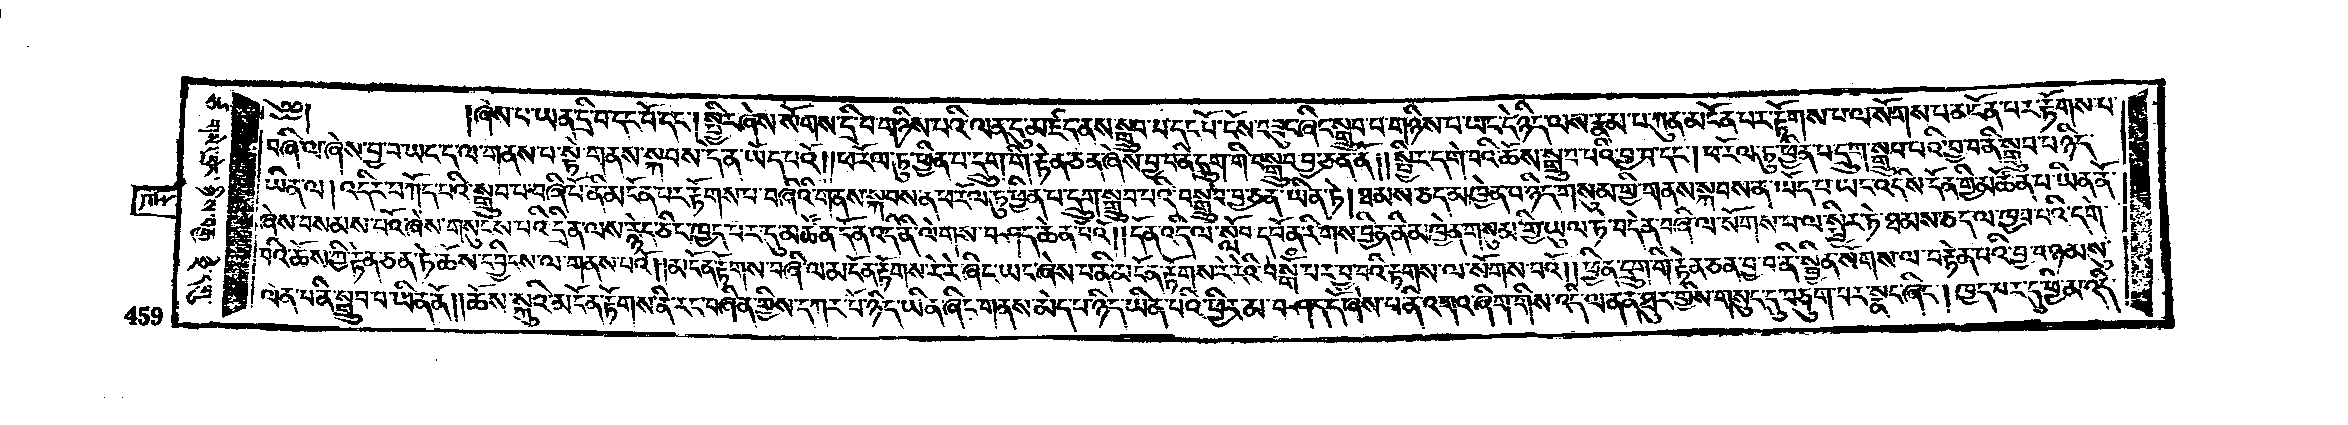༄༅། །ཞེས་པ་ཡིན་དྲི་བ་དང་པོ་དང་། སྤྱིར་ཞེས་སོགས་དྲི་བ་གཉིས་པའི་ལན་དུ་མཛད་ནས་སྒྲུབ་པ་དང་པོ་ངོས་བཟུང་ཞིང་སྒྲུབ་པ་གཉིས་པ་ཡང་དེ་ཉིད་ལས་རྣམ་པ་ཀུན་མངོན་པར་རྟོགས་པ་ལ་སོགས་པ་མངོན་པར་རྟོགས་པ་
བཞི་ལ་ཞེས་བྱ་བ་ཡང་དེ་ལ་གནས་པ་སྟེ་གནས་སྐབས་དེ་ན་ཡོད་པའོ། །ཕ་རོལ་ཏུ་ཕྱིན་པ་དྲུག་གི་རྟེན་ཅན་ཞེས་བྱ་བ་ནི་དྲུག་གི་བསྒྲུབ་བྱ་ཅན་ནོ། །སྤྱིར་དགེ་བའི་ཆོས་སྒྲུབ་པའི་བྱ་བ་དང་། ཕ་རོལ་ཏུ་ཕྱིན་པ་དྲུག་སྒྲུབ་པའི་བྱ་བ་ནི་སྒྲུབ་པ་ཉིད་
ཡིན་ལ། འདིར་བཀོད་པའི་སྒྲུབ་པ་བཞི་པོ་ནི་མངོན་པར་རྟོགས་པ་བཞིའི་གནས་སྐབས་ན་ཕ་རོལ་ཏུ་ཕྱིན་པ་དྲུག་སྒྲུབ་པའི་བསྒྲུབ་བྱ་ཅན་ཡིན་ཏེ། ཐམས་ཅད་མཁྱེན་པ་ཉིད་གསུམ་གྱི་གནས་སྐབས་ན་ཡོད་པ་ཡང་འདིས་དོན་གྱི་མཚོན་པ་ཡིན་ནོ་
ཞེས་བསམས་པའོ་ཞེས་གསུངས་པའི་དྲིན་ལས་རྙེད་ཅིང་ཁྱད་པར་དུ་མཚོན་དོན་འདི་ནི་ལེགས་བཤད་ཆེན་པོའོ། །དོན་འདི་ལ་སློབ་དཔོན་རིགས་བྱིན་ནི་མཁྱེན་གསུམ་གྱི་ཡུལ་ཏེ་བདེན་བཞི་ལ་སོགས་པ་ལ་པྱིར་ཏེ་ཐམས་ཅད་ལ་ཁྱབ་པའི་དགེ་
བའི་ཆོས་ཀྱི་རྟེན་ཅན་ཏེ་ཆོས་དབྱིངས་ལ་གནས་པའོ། །མངོན་རྟོགས་བཞི་ལ་མངོན་རྟོགས་རེ་རེ་ཞིང་ཡང་ཞེས་པ་ནི་མངོན་རྟོགས་རེ་རེའི་བསྒོཾ་པར་བྱ་བའི་རྟགས་ལ་སོགས་པའོ། །ཕྱིན་དྲུག་གི་རྟེན་ཅན་བྱ་བ་ནི་སྦྱིན་སོགས་ལ་བརྟེན་པའི་བྱ་བ་ཉམས་སུ་
ལེན་པ་ནི་སྒྲུབ་པ་ཡིན་ནོ། །ཆོས་སྐུའི་མངོན་རྟོགས་ནི་རང་བཞིན་གྱིས་དཀར་པོ་ཉིད་ཡིན་ཞིང་གནས་མེད་པ་ཉིད་ཡིན་པའི་ཕྱིར་མ་བཤད་དོ་ཞེས་པ་ནི་འགའ་ཞིག་གིས་འདི་ལན་ན་ཐུར་གྱིས་གསུང་དུ་བཅུག་པར་སྣང་ཞིང་། ཁྱད་པར་དུ་ཕྱི་མ་འདི་